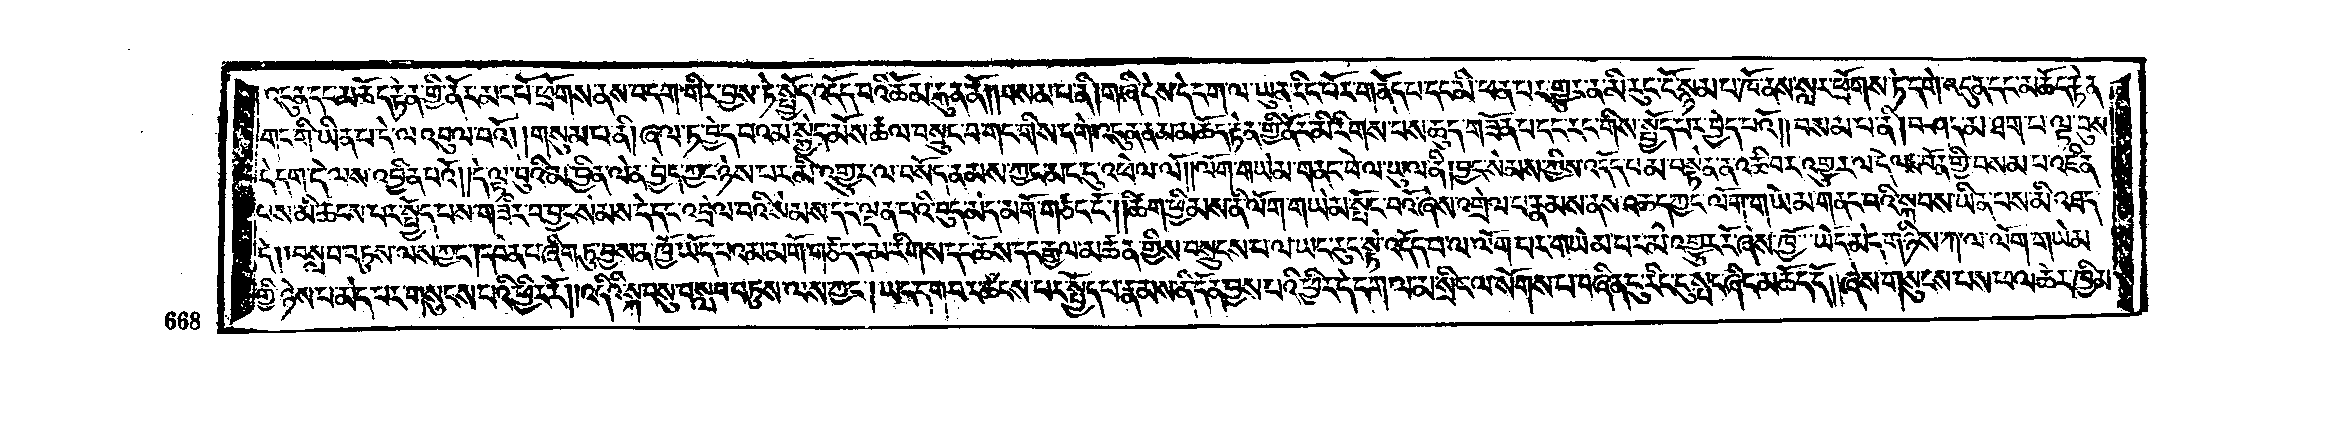འདུན་དང་མཆོད་རྟེན་གྱི་ནོར་མང་པོ་ཕྲོགས་ནས་བདག་གིར་བྱས་ཏེ་སྤྱོད་འདོད་པའི་ཚོམ་རྐུན་ནོ། །བསམ་པ་ནི། གཞི་དེས་དེ་དག་ལ་ཡུན་རིང་པོར་གནོད་པ་དང་མི་ཕན་པར་གྱུར་ན་མི་རུང་ངོ་སྙམ་པ་ཁོ་ནས་སླར་ཕྲོགས་ཏེ་དགེ་འདུན་དང་མཆོད་རྟེན་
གང་གི་ཡིན་པ་དེ་ལ་འབུལ་བའོ། །གསུམ་པ་ནི། ཞལ་ཏེ་བྱེད་བའམ་སྐྱེད་མོས་ཚལ་བསྲུང་བ་གང་གིས་དགེ་འདུན་ནམ་མཆོད་རྟེན་གྱི་ནོར་མི་རིགས་པས་ཆུད་གཟོན་པ་དང་རང་གིས་སྤྱོད་པར་བྱེད་པའོ། །བསམ་པ་ནི། བཤད་མ་ཐག་པ་ལྟ་བུས་
དེ་དག་དེ་ལས་འབྱིན་པའོ། །དེ་ལྟ་བུའི་མ་བྱིན་ལེན་བྱེད་ཀྱང་ཉེས་པར་མི་འགྱུར་ལ་བསོད་ནམས་ཀྱང་མང་དུ་འཕེལ་ལོ། །ལོག་གཡེམ་གནང་ཕོ་ལ་ཡུལ་ནི། བྱང་སེམས་ཀྱིས་འདོད་པ་མ་བསྟེན་ན་འཆི་བར་འགྱུར་ལ་དེ་ལ་ས་བོན་གྱི་བསམ་པ་འཛིན་
པས་མི་ཚངས་པར་སྤྱོད་པས་གཟིར་བ་བྱང་སེམས་དེ་དང་འབྲེལ་བའི་སེམས་དང་ལྡན་པའི་བུད་མེད་མགོ་གཙང་ངོ། །ཚིག་ཕྱི་མས་ནི་ལོག་གཡེམ་སྤོང་བའོ་ཞེས་འགྲེལ་པ་རྣམས་ནས་འཆད་ཀྱང་ལོག་གཡེམ་གནང་བའི་སྐབས་ཡིན་པས་མི་འཐད་
དེ། །བསླབ་བཏུས་ལས་ཀྱང་། དབེན་པ་ཞིག་ཏུ་བྱས་ན་ཁྱོ་ཡོད་པའམ་མགོ་གཙང་དམ་རིགས་དང་ཆོས་དང་རྒྱལ་མཚན་གྱིས་བསྲུངས་པ་ལ་ཡང་རུང་སྟེ་འདོད་པ་ལ་ལོག་པར་གཡེམ་པར་མི་འགྱུར་རོ་ཞེས་ཁྱོ་ཡོད་མེད་གཉིས་ཀ་ལ་ལོག་གཡེམ་
གྱི་ཉེས་པ་མེད་པར་གསུངས་པའི་ཕྱིར་རོ། །འདིའི་སྐབས་སུ་བསླབ་བཏུས་ལས་ཀྱང་། ཡང་དག་བར་ཚངས་པར་སྤྱོད་པ་རྣམས་ནི་དོན་བྱས་པའི་ཕྱིར་དེ་དག་ལ་མ་སྲིད་ལ་སོགས་པ་བཞིན་དུ་རིང་དུ་སྤང་ཞིང་མཆོད་དོ། །ཞེས་གསུངས་པས་ཕལ་ཆེར་ཁྱིམ་